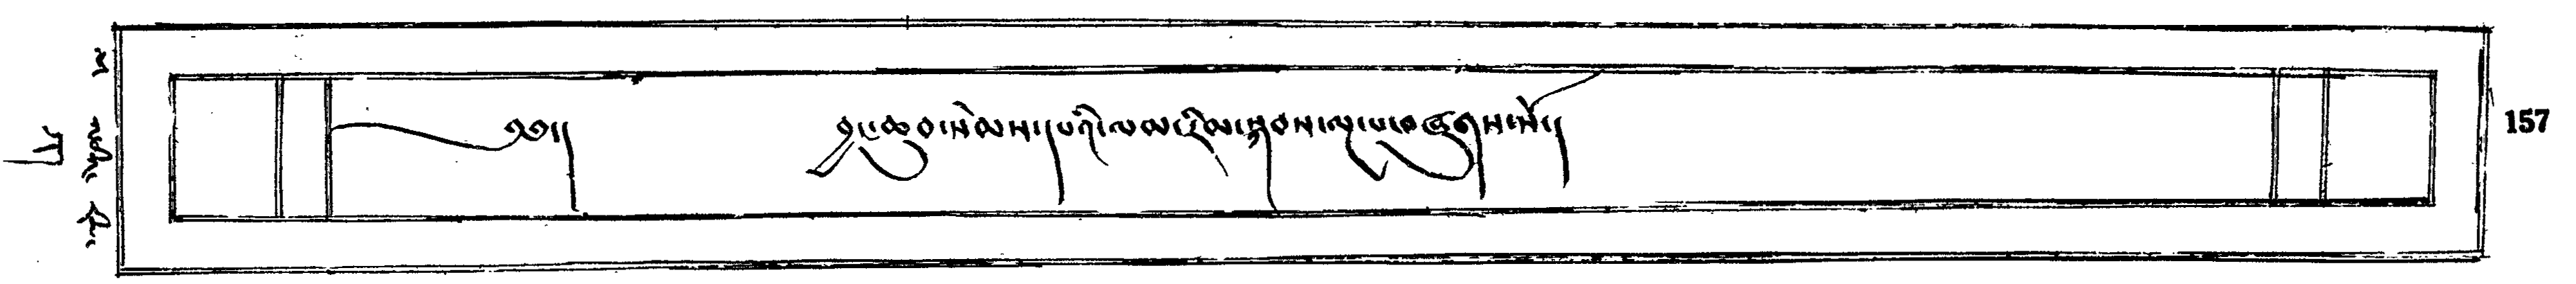བྱང་ཆུབ་སེམས་དཔའི་ལམ་རིམ་སྐབས་ལྔ་པ་བཞུགས་སོ།